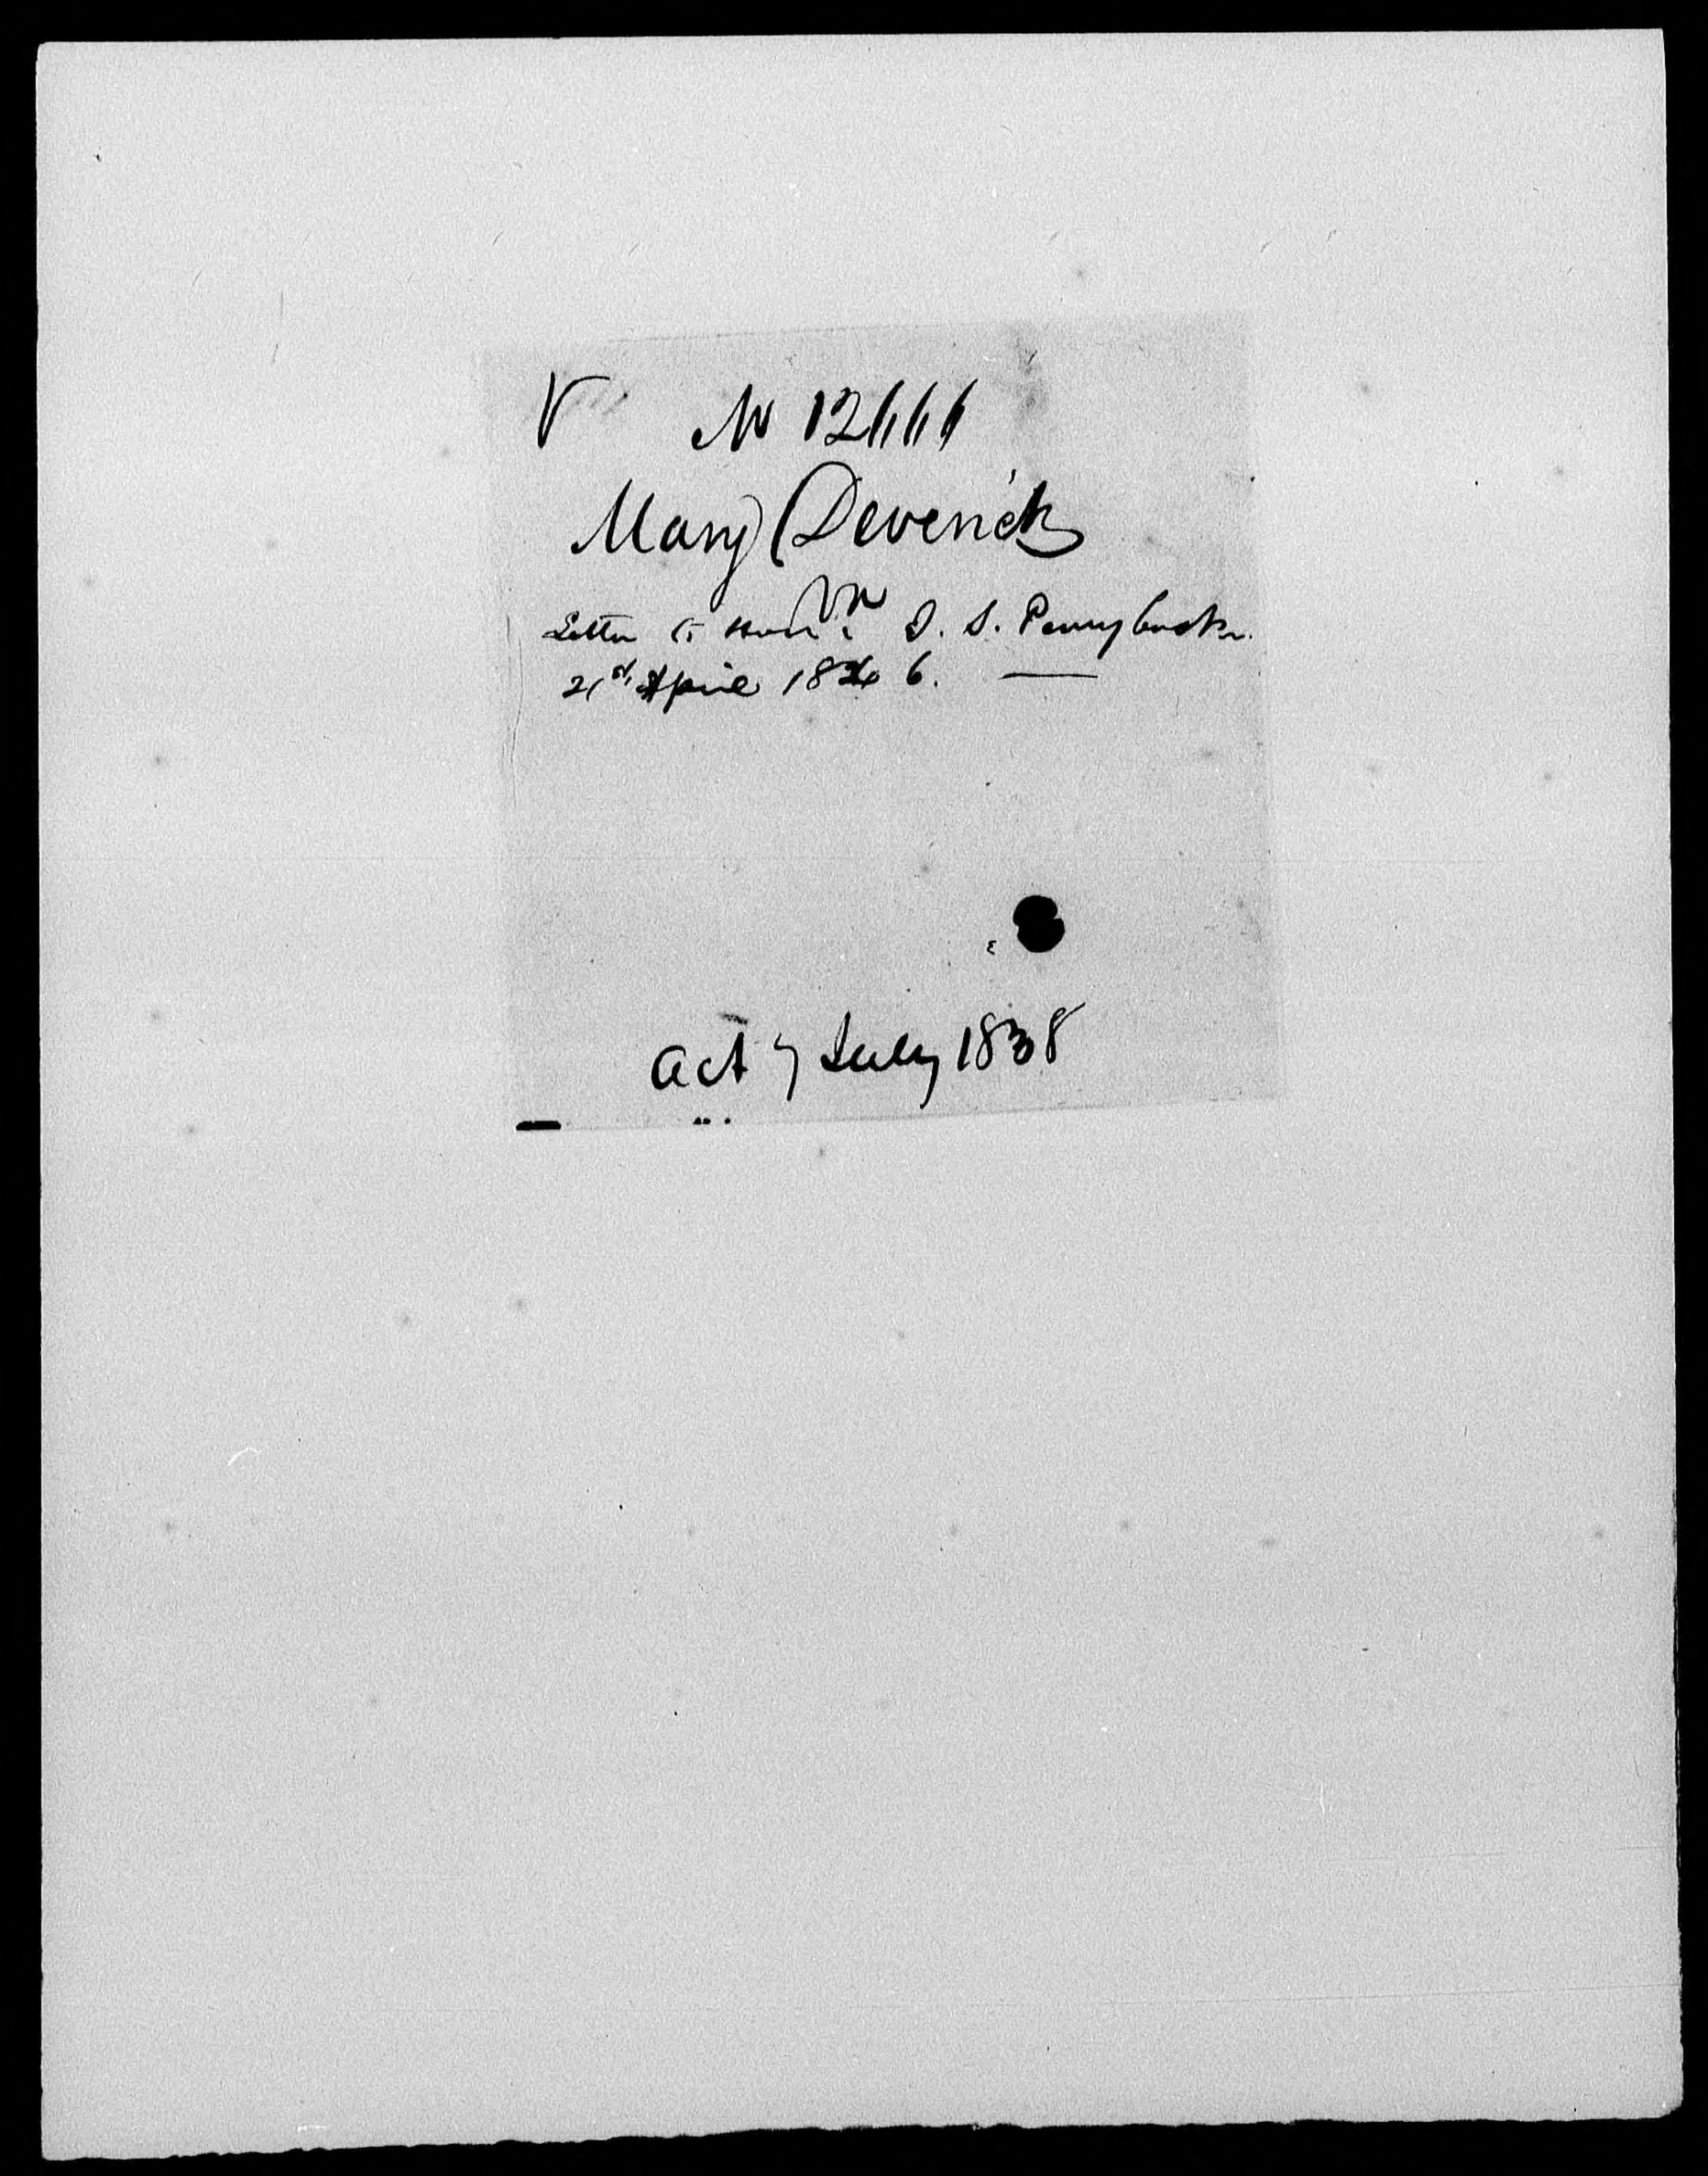V
W 12666

Mary Deverick
Va
Letter[?] [illegible] J. S. Penney [illegible]
21st [illegible] 1866

act 7 July 1838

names: Mary Deverick, J S Penney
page: 15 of 35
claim: widow's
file: W 7007, John Devericks, Va.